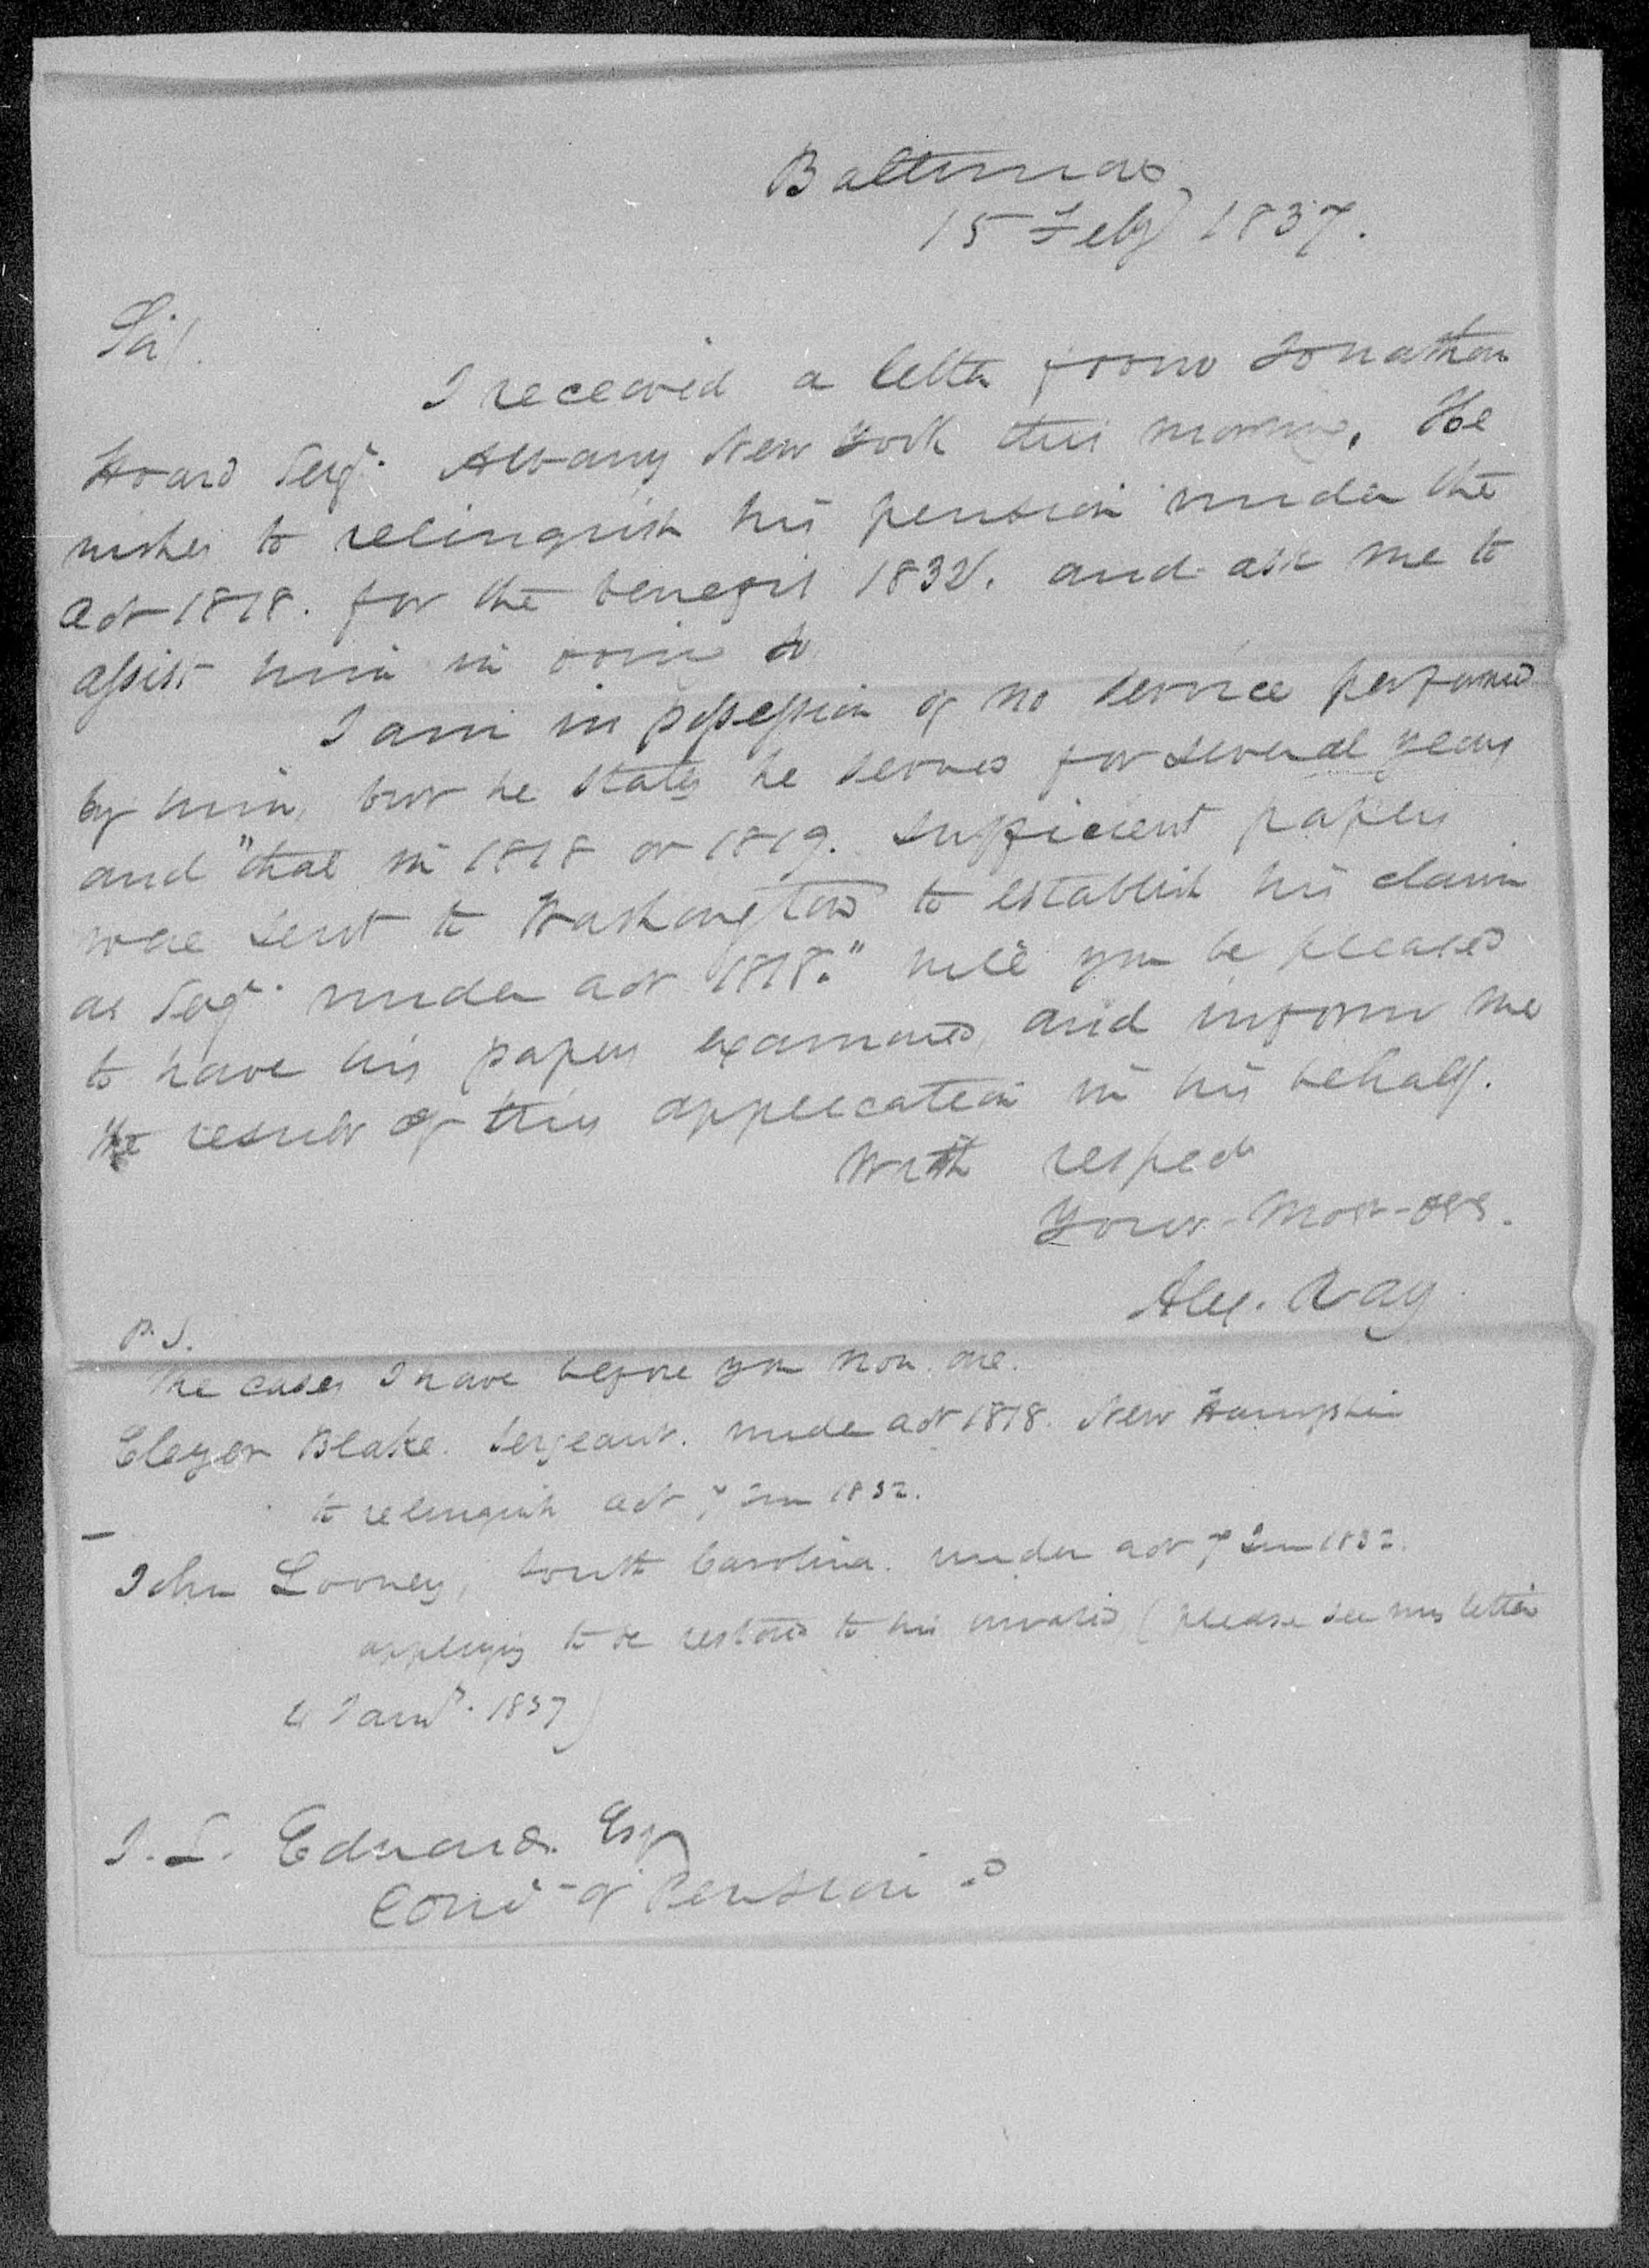Baltimore 15 Feby 1837.
Sir 
I received a letter from Jonathan Hoard sergr. Albany New York this morning. He wishes to relinquish his pension under the Act 1818 for the benefit 1832, and ask[ed] me to assist him in doing so.

I am in possession of no service performed by him, but he states he served for several years and that in 1818 or 1819 sufficient papers were sent to Washington to establish his claim as he under act 1818. will you be pleased to have his papers examined and inform the the result of this application in his behalf
with respect
your most obt.
Abe. Ray

PS
The case I have before you now one Cleyon Blake Sergeant made Act 1878 New Hampshire to relinquish Act 1832. 
John Looney, South Carolina, under Act  of June 1832. Applying to be restored to his invalid (please see my letter 4 Jany 1837

J.L. Edwards Esq
Commr of Pension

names: John Looney, Abe Ray, J L Edwards, Eleger Blake, Jonathan Hoard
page: 33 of 52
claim: widow's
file: W 19755, Jonathan Hoard, Mass.